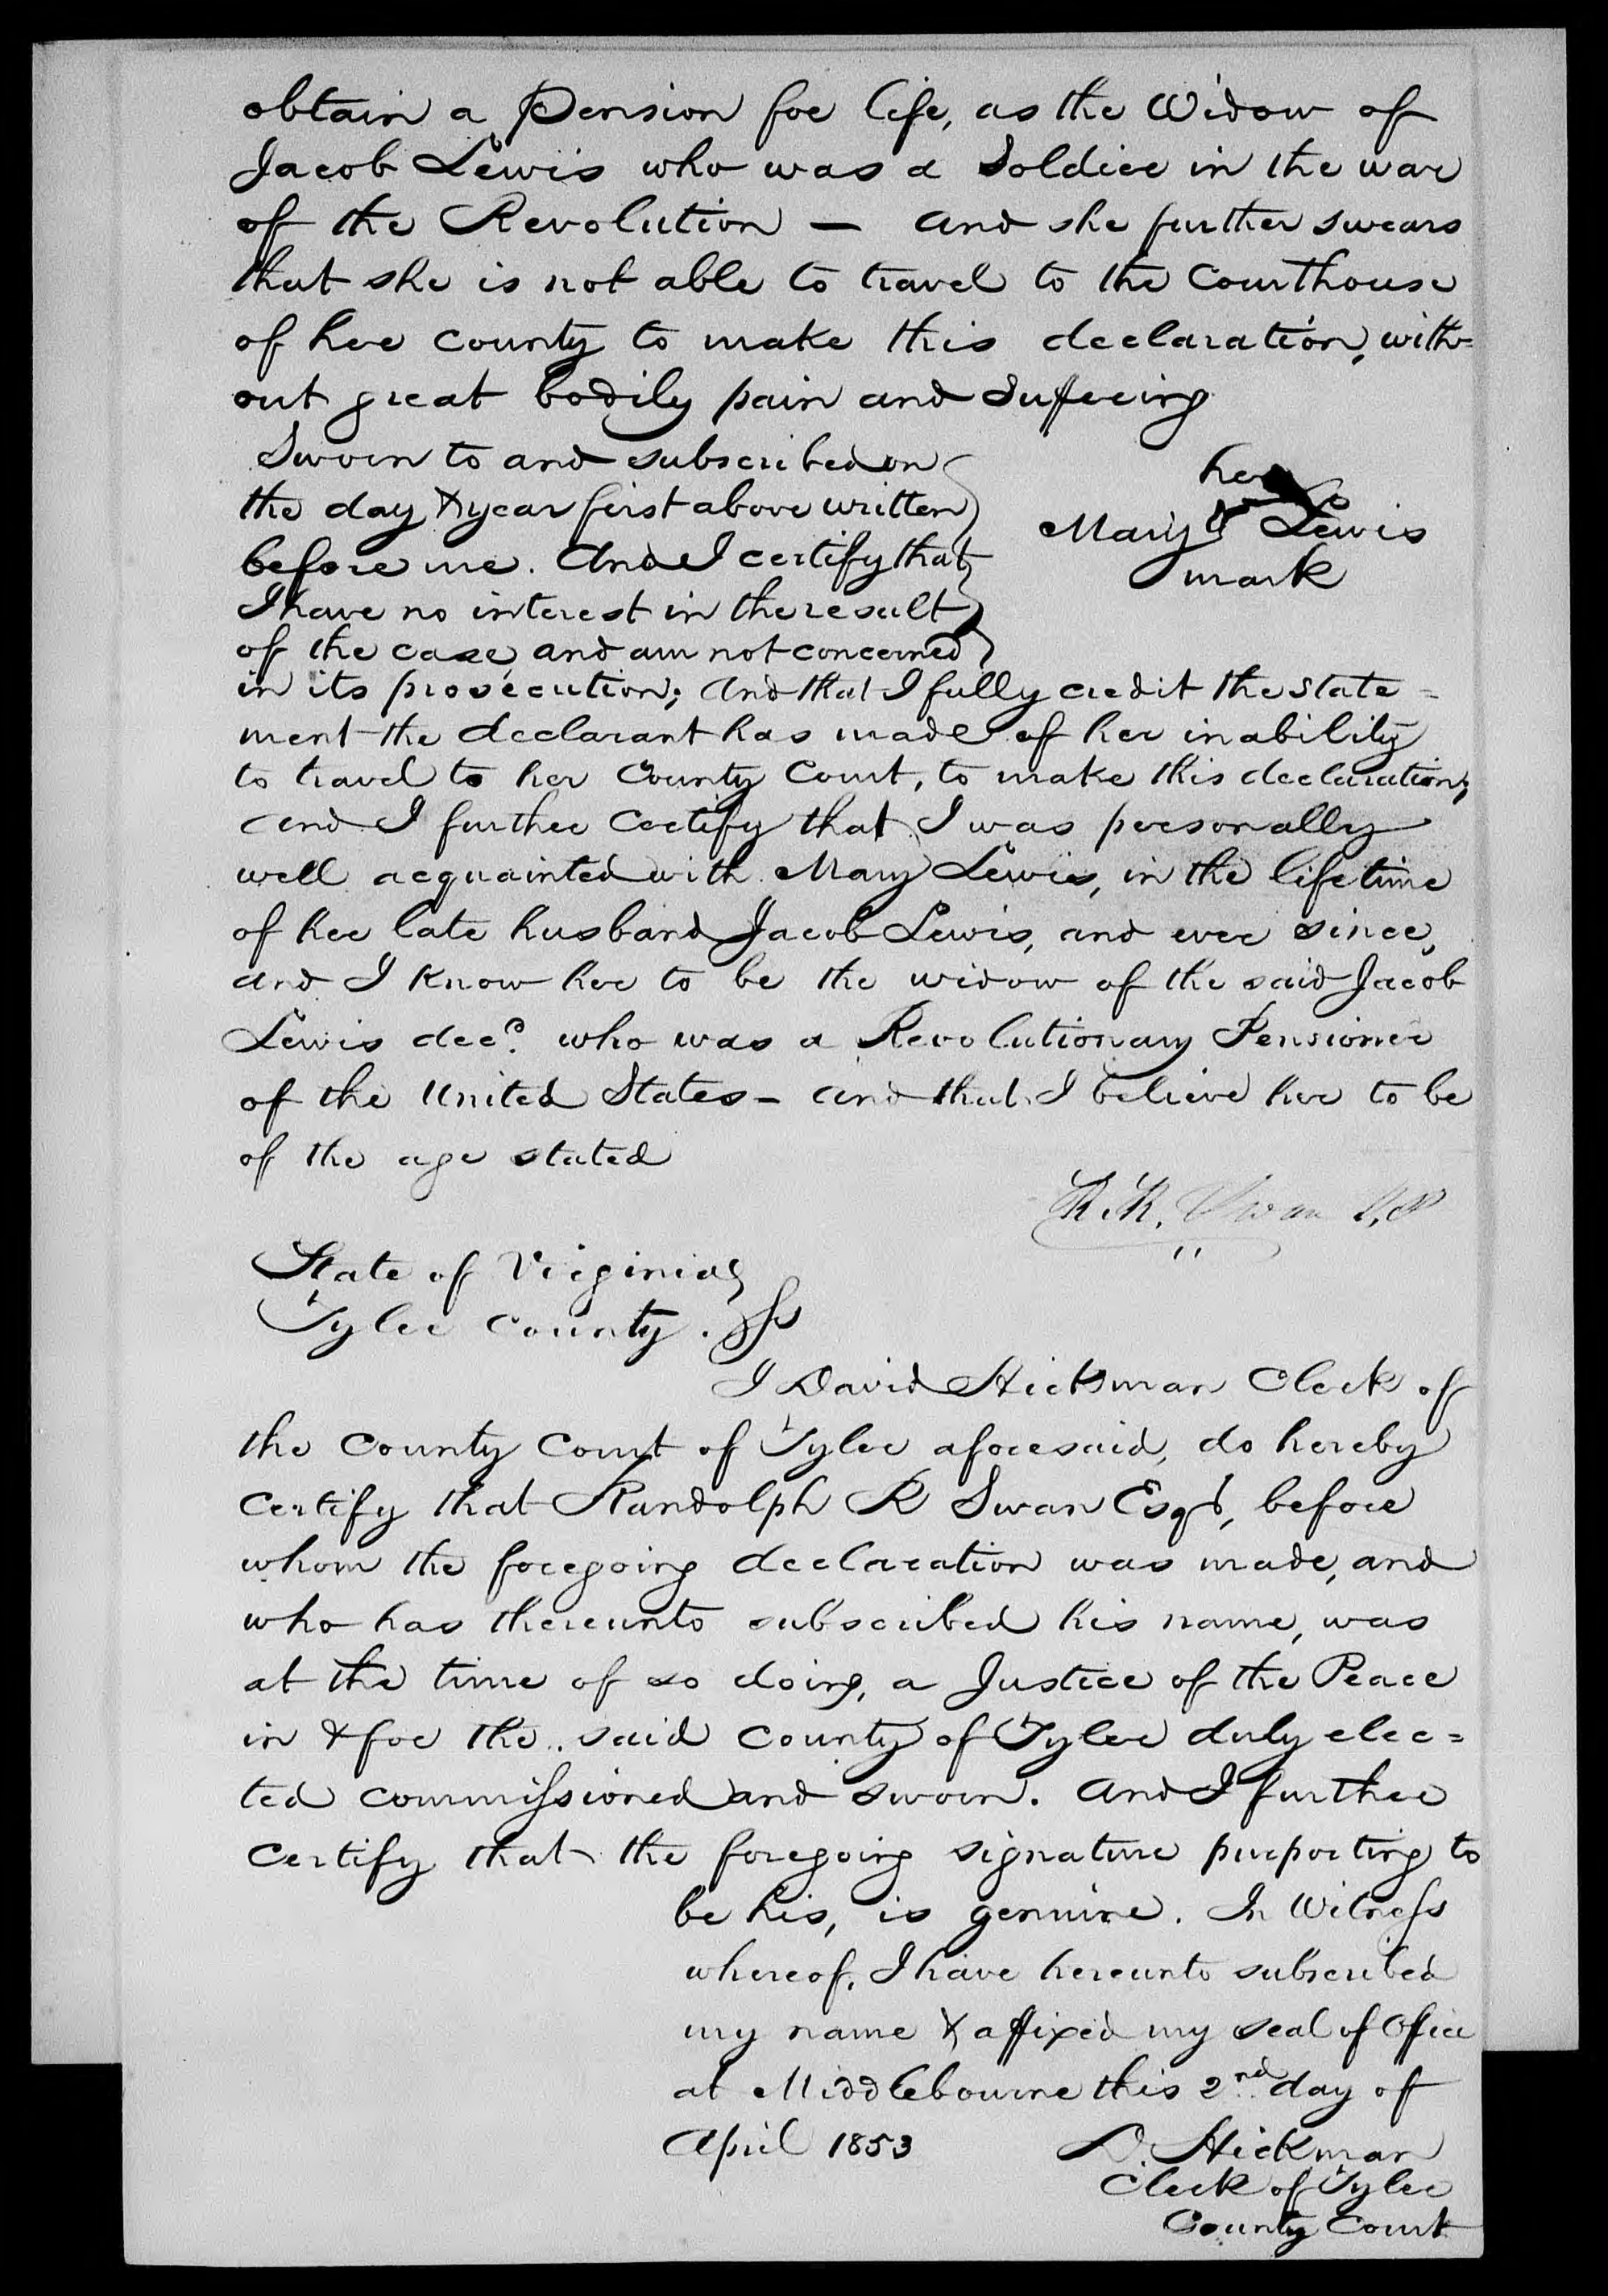obtain a pension for life, as the widow of Jacob Lewis who was a soldier in the war of the Revolution - and she further swears that she is not able to travel to the courthouse of her county to make this declaration, without great bodily pain and suffering
Mary Lewis X her mark

Sworn to and subscribed the day & year first above written before me. And I certify that I have no interest in the result of the case and am not concerned in its prosecution; And that I fully credit the statement the declarant has made of her inability to travel to her county court, to make this declaration and I further certify that I was personally well acquainted with Mary Lewis, in the lifetime of her late husband Jacob Lewis and ever since and I know her to be the widow of the said Jacob Lewis decd. who was a Revolutionary Pensioner of the United States - and that I believe her to be of the age stated
R. R. Swan JP

State of Virginia Tyler County SS
I David Hickman Clerk of the County Court of Tyler aforesaid, do hereby certify that Randolph R Swan Esqr, before whom the foregoing declaration was made, and who has thereunto subscribed his name, was at the time of so doing, a Justice of the Peace in & for the said county of Tyler duly elected commissioned and sworn. And I further certify that the foregoing signature purporting to be his, is genuine. In witness whereof, I have hereunto subscribed my name & affixed my seal of office at Middlebourne this 2nd day of April 1853
D. Hickman
Clerk of Tyler County Court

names: Jacob Lewis; Mary Lewis; R R Swan; David Hickman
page: 7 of 69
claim: widow's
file: W 8044, for Jacob Lewis, Virginia